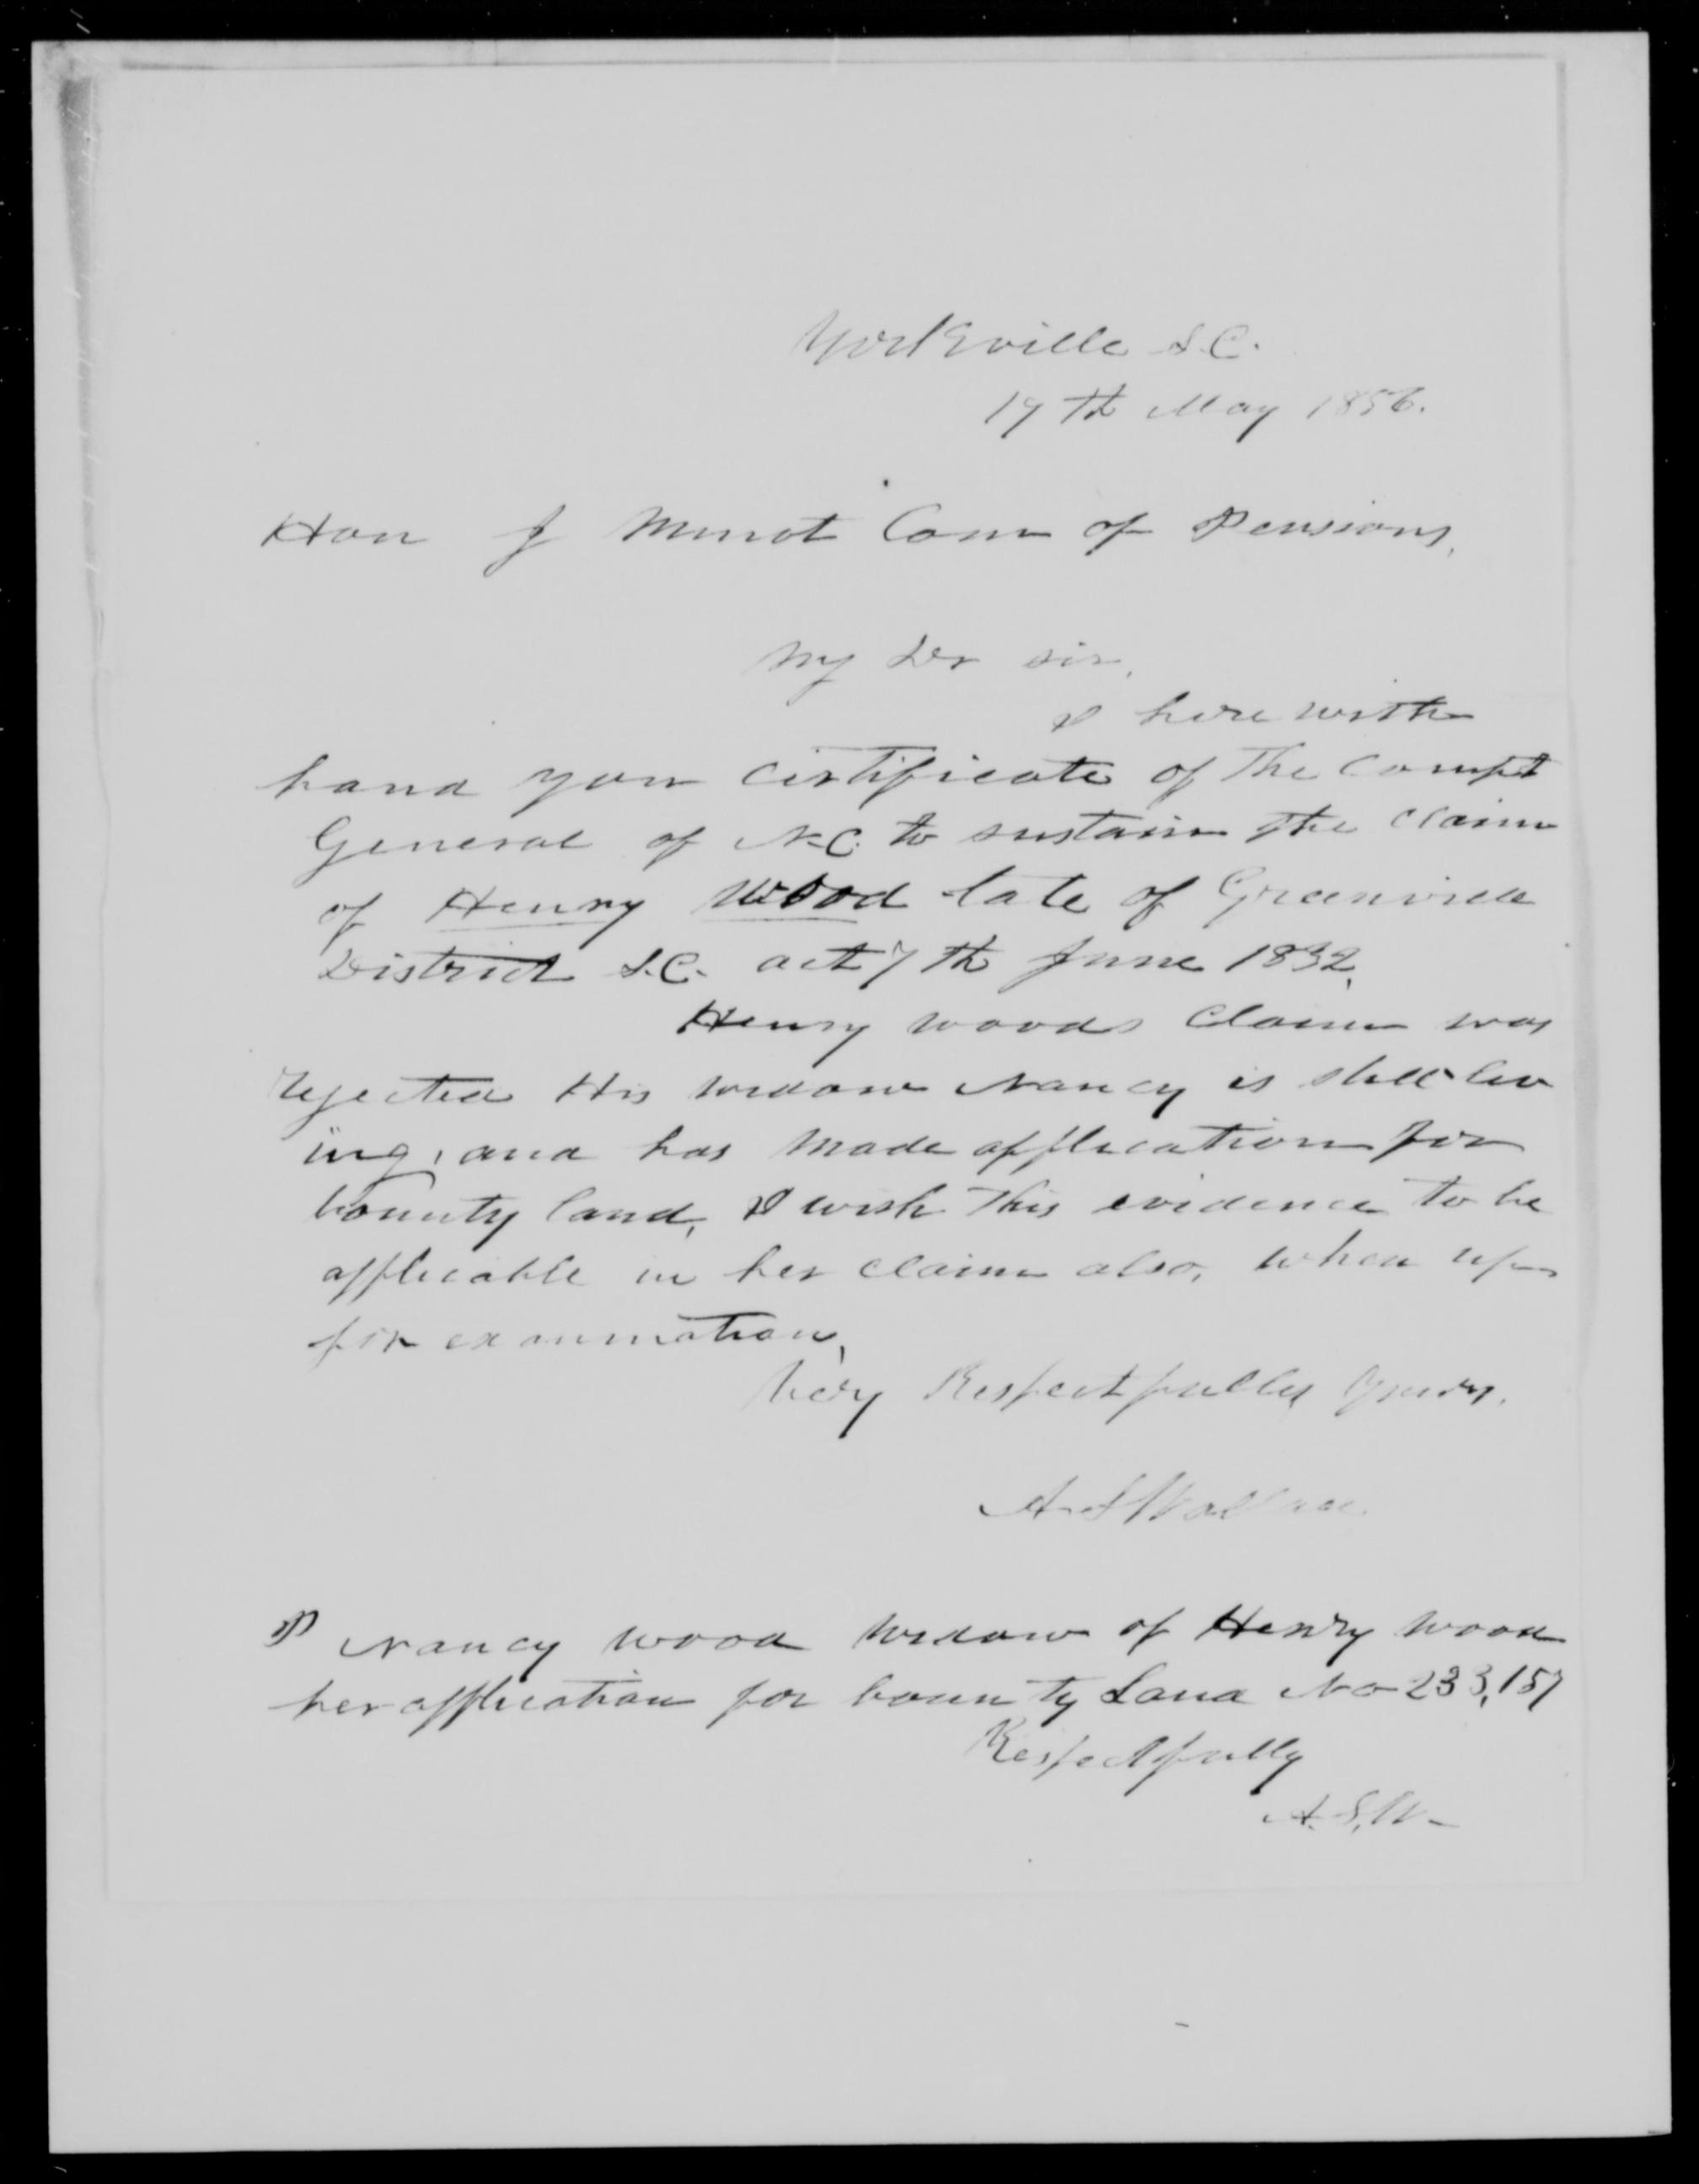Yorkville S.C. 17th of May 1856
Hon J Minot Com of Pensions,
My dear sir,
I have with hand your certificate of the comp general of NC to sustain the claim of Henry Wood late of Greenville District SC act of 7th June 1832.
Henry Wood's claim was rejected his widow Nancy is still living and has made application for bounty land.  I wish this evidence to be applicable in his claim also, whereupon her examination,  Very respectfully yours, A S Wallace
[x] Nance Wood widow of Henry Wood her application for bounty land No 233,157 Respectfully A.S Wal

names: J Minot, Henry Wood, A S Wallace, Nancy Wood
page: 25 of 40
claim: rejected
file: R. 11785, Henry Wood, N. C.